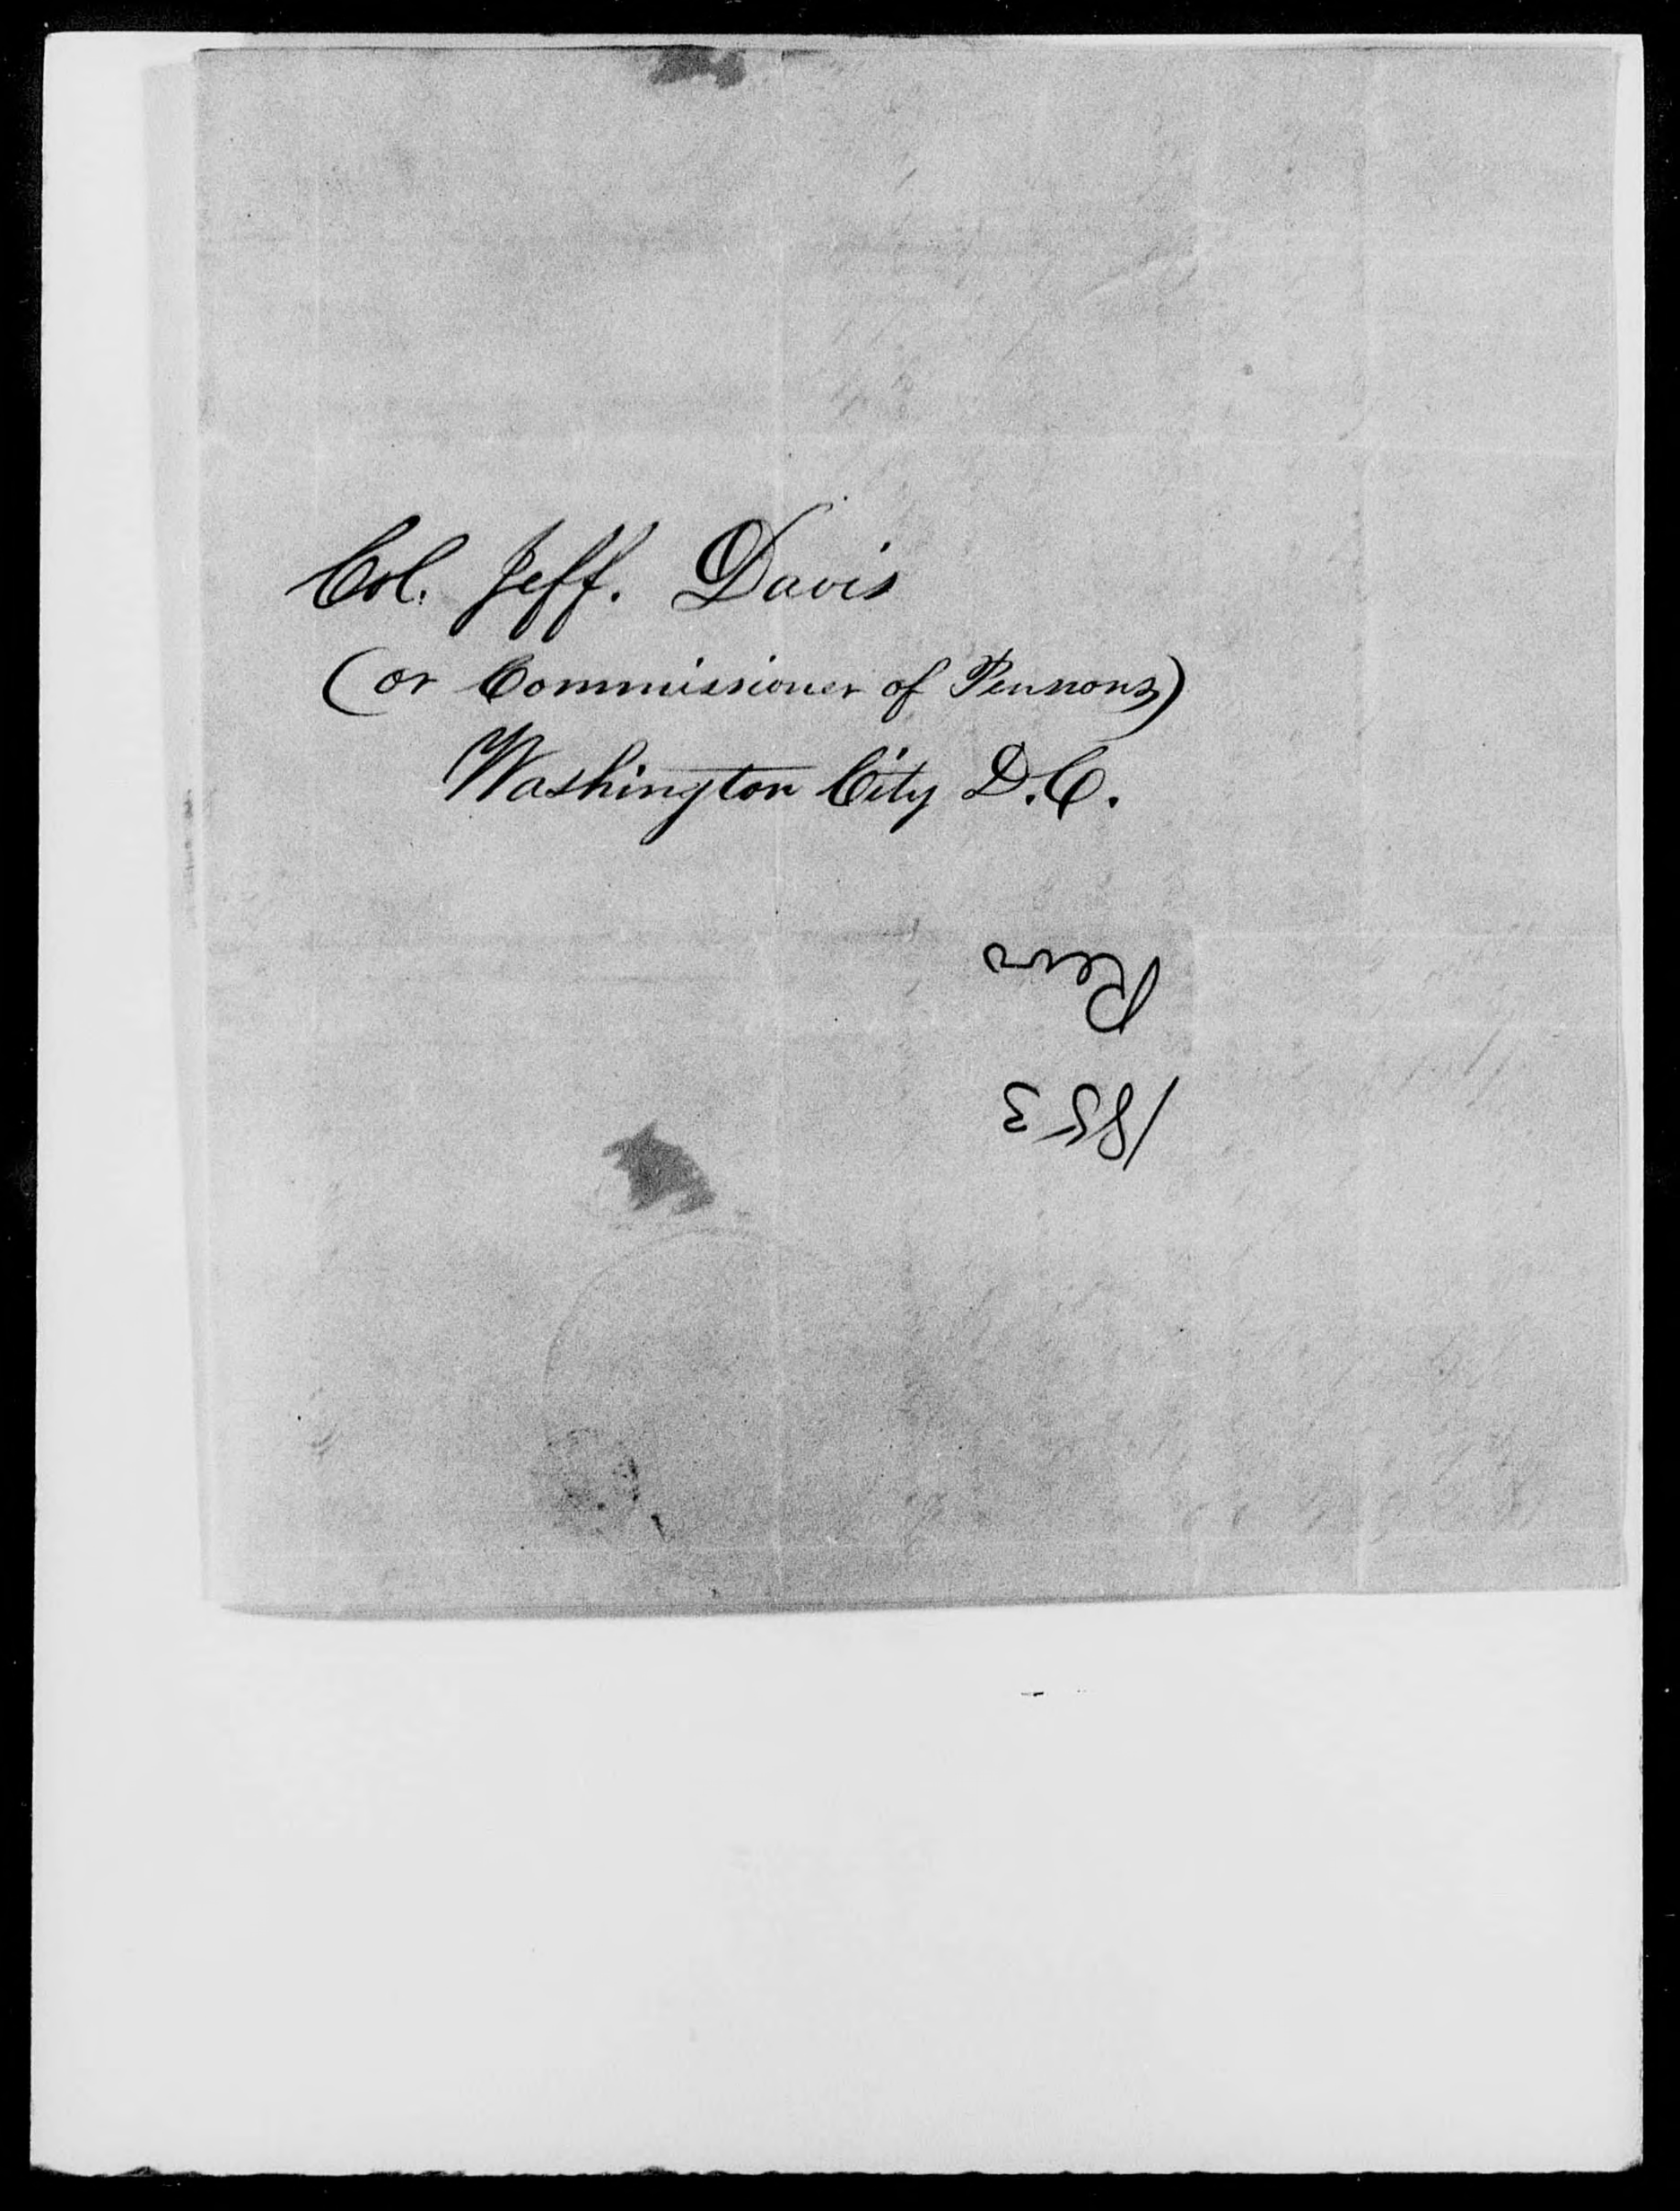Col. Jeff Davis
(or Commissioner of Pensions)
Washington City D.C.


1853
Revo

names: Jeff Davis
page: 10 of 85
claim: widow's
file: W. 5,906, John Brown, S.C.